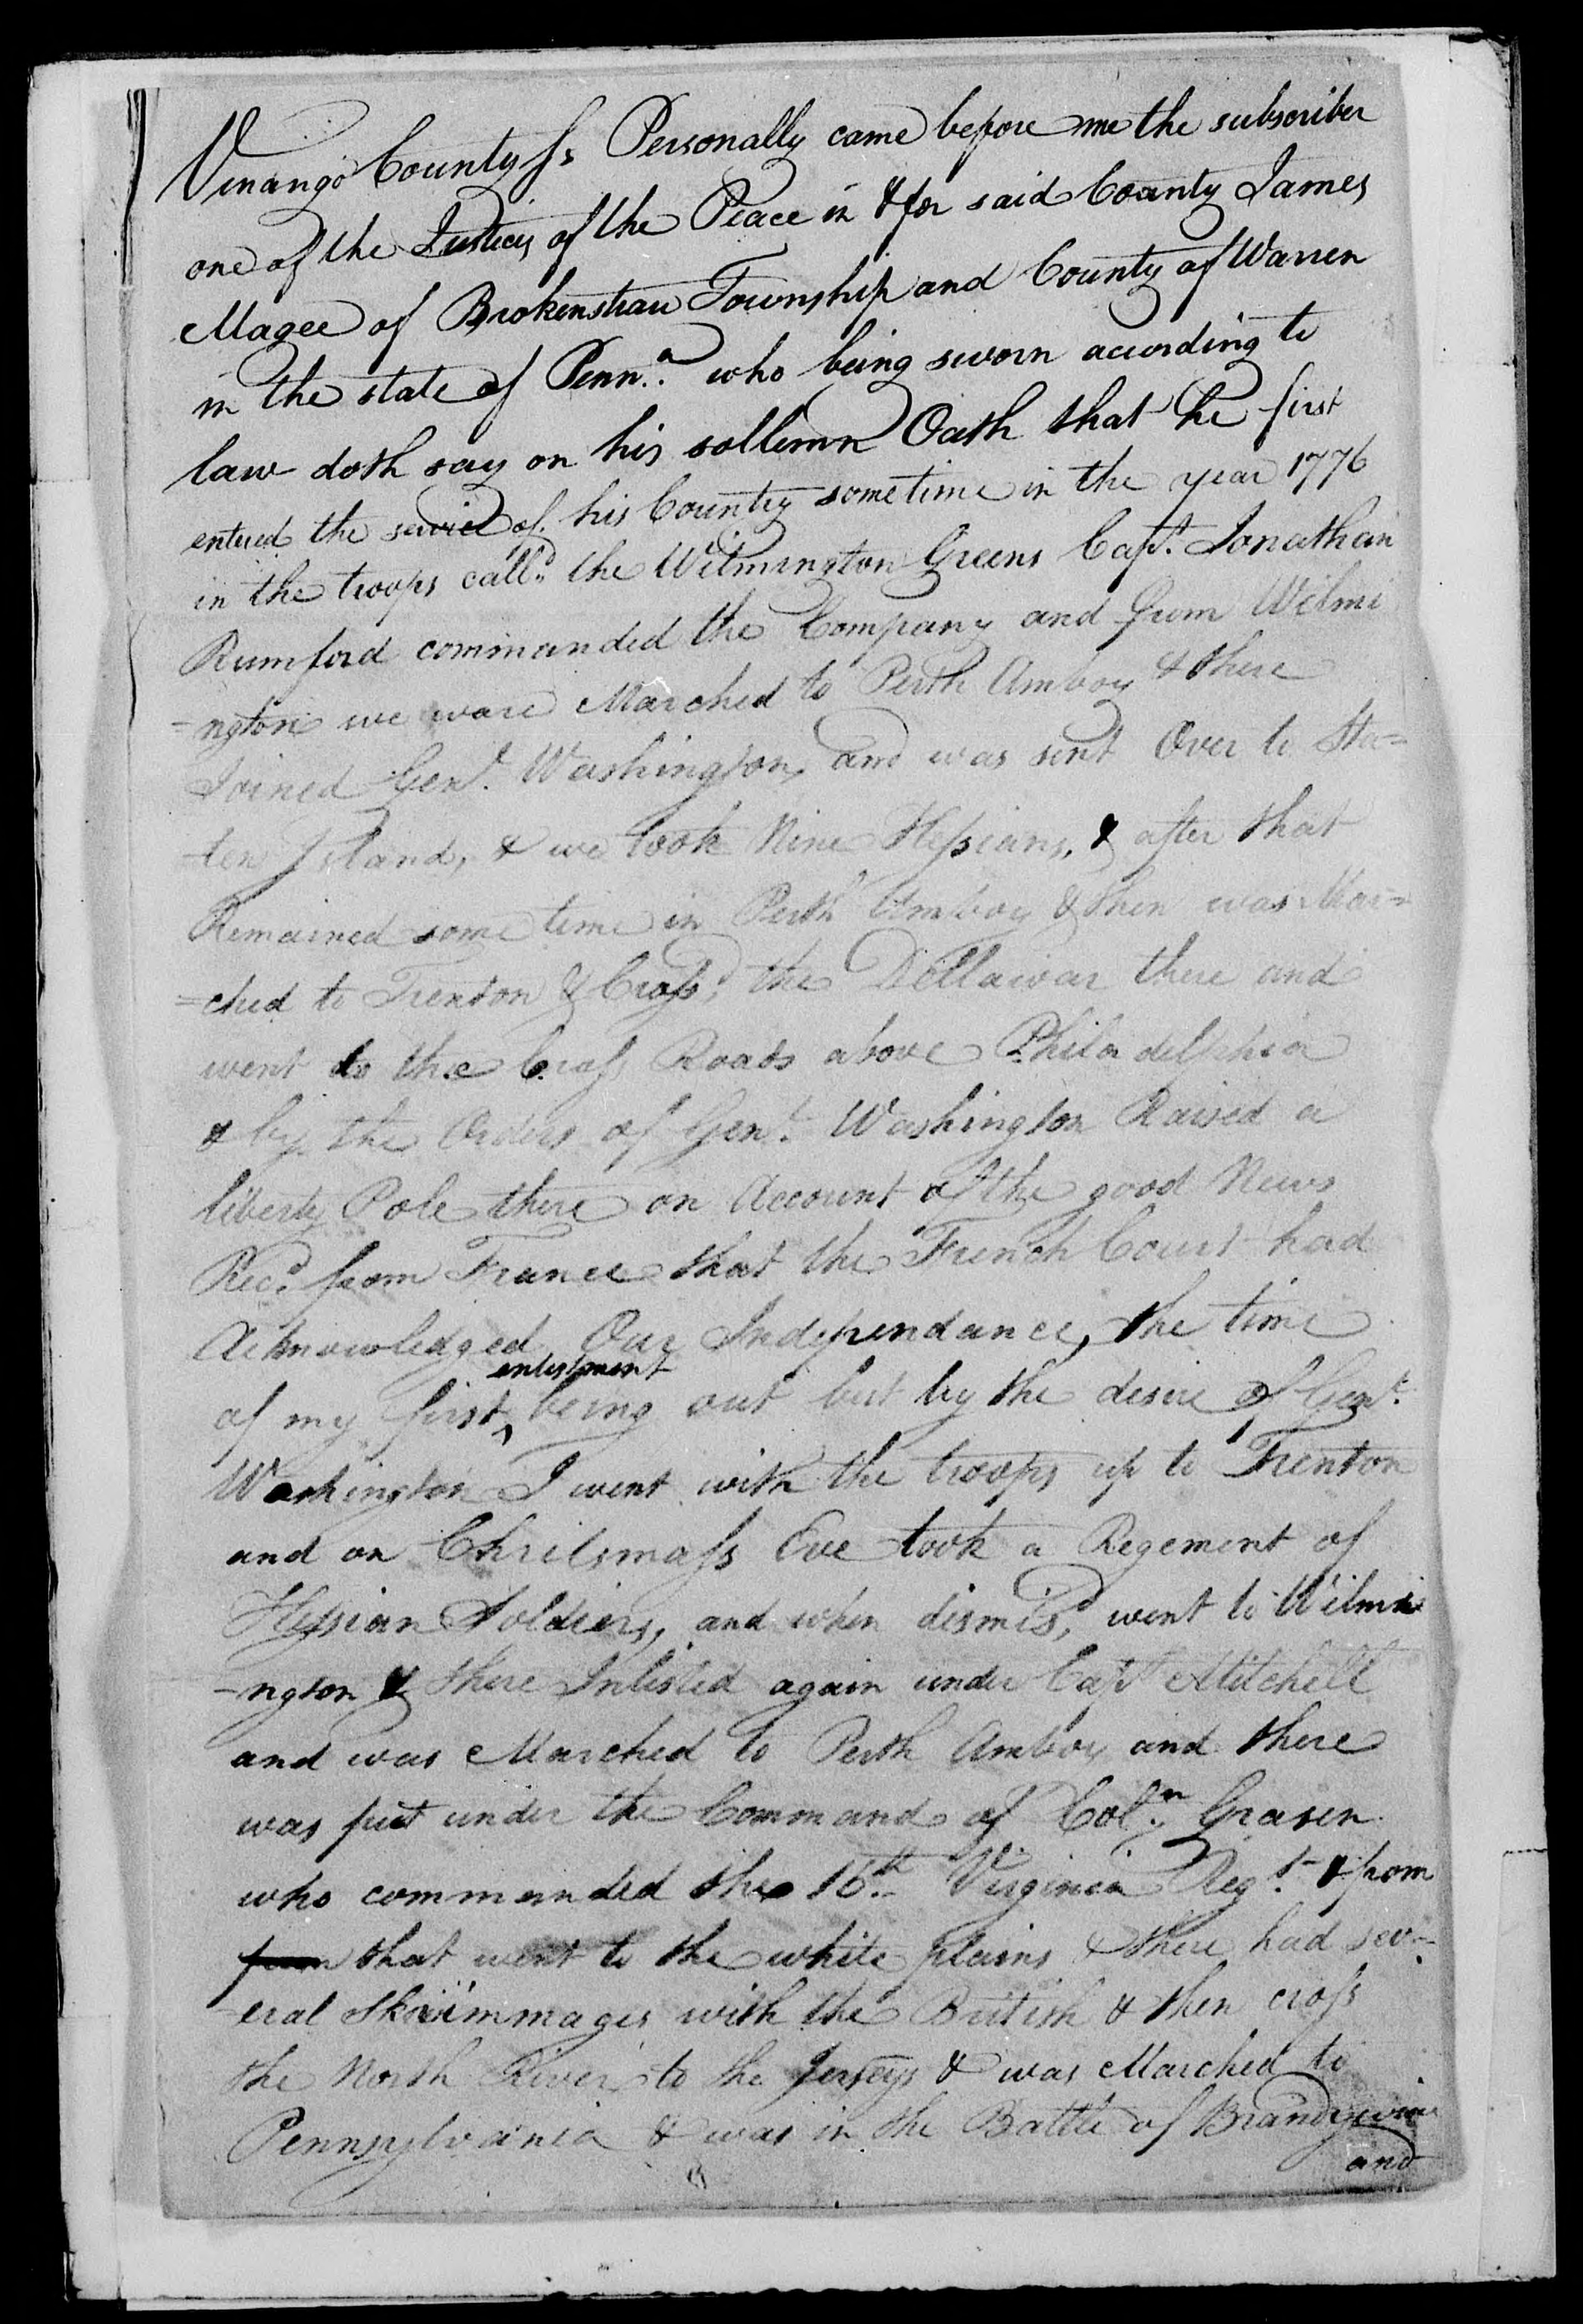Venango County ss Personally came before me the subscriber one of the Justices of the Peace in & for said County James Magee of Brokenshaw Township and County of Warren in the State of Penn. who being sworn according to law doth say on his sollemn Oath that he first entered the service of his Country sometime in the year 1776 in the troops called the Wilmington Greens Capt Jonathan Rumford commanded the Company and from Wilmington we were marched to Perth Amboy & there Joined Genl Washington, and was sent over to Staten land, & we look nine Hessians, & after that Remained some time in Perth Amboy & then was marched to Trenton & Crossed the Delaware there and went to the Cross Roads above Philadelphia & by the orders of Genl Washington raised a liberty Pole there on account of the good news Recd from France that the French Court had acknowledged our Independence, the time of my first enlistment being out but by the desire of Genl Washington I went with the troops up to Trenton and on Chrismass Eve took a Regiment of Hessian Soldiers, and when dismised went to Wilmington & there Inlisted again under Capt Mitchell and was marched to Perth Amboy and there was first under the command of Col Grasen who commanded the 16th Virginia Regt & from that went to the white plains & there had several khrimages with the British & then cross the North River to the Jerseys & was marched to Pennsylvania & was in the Battle of Brandywine and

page: 13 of 77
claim: widow's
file: W 2954, for James Mc Gee, Delaware